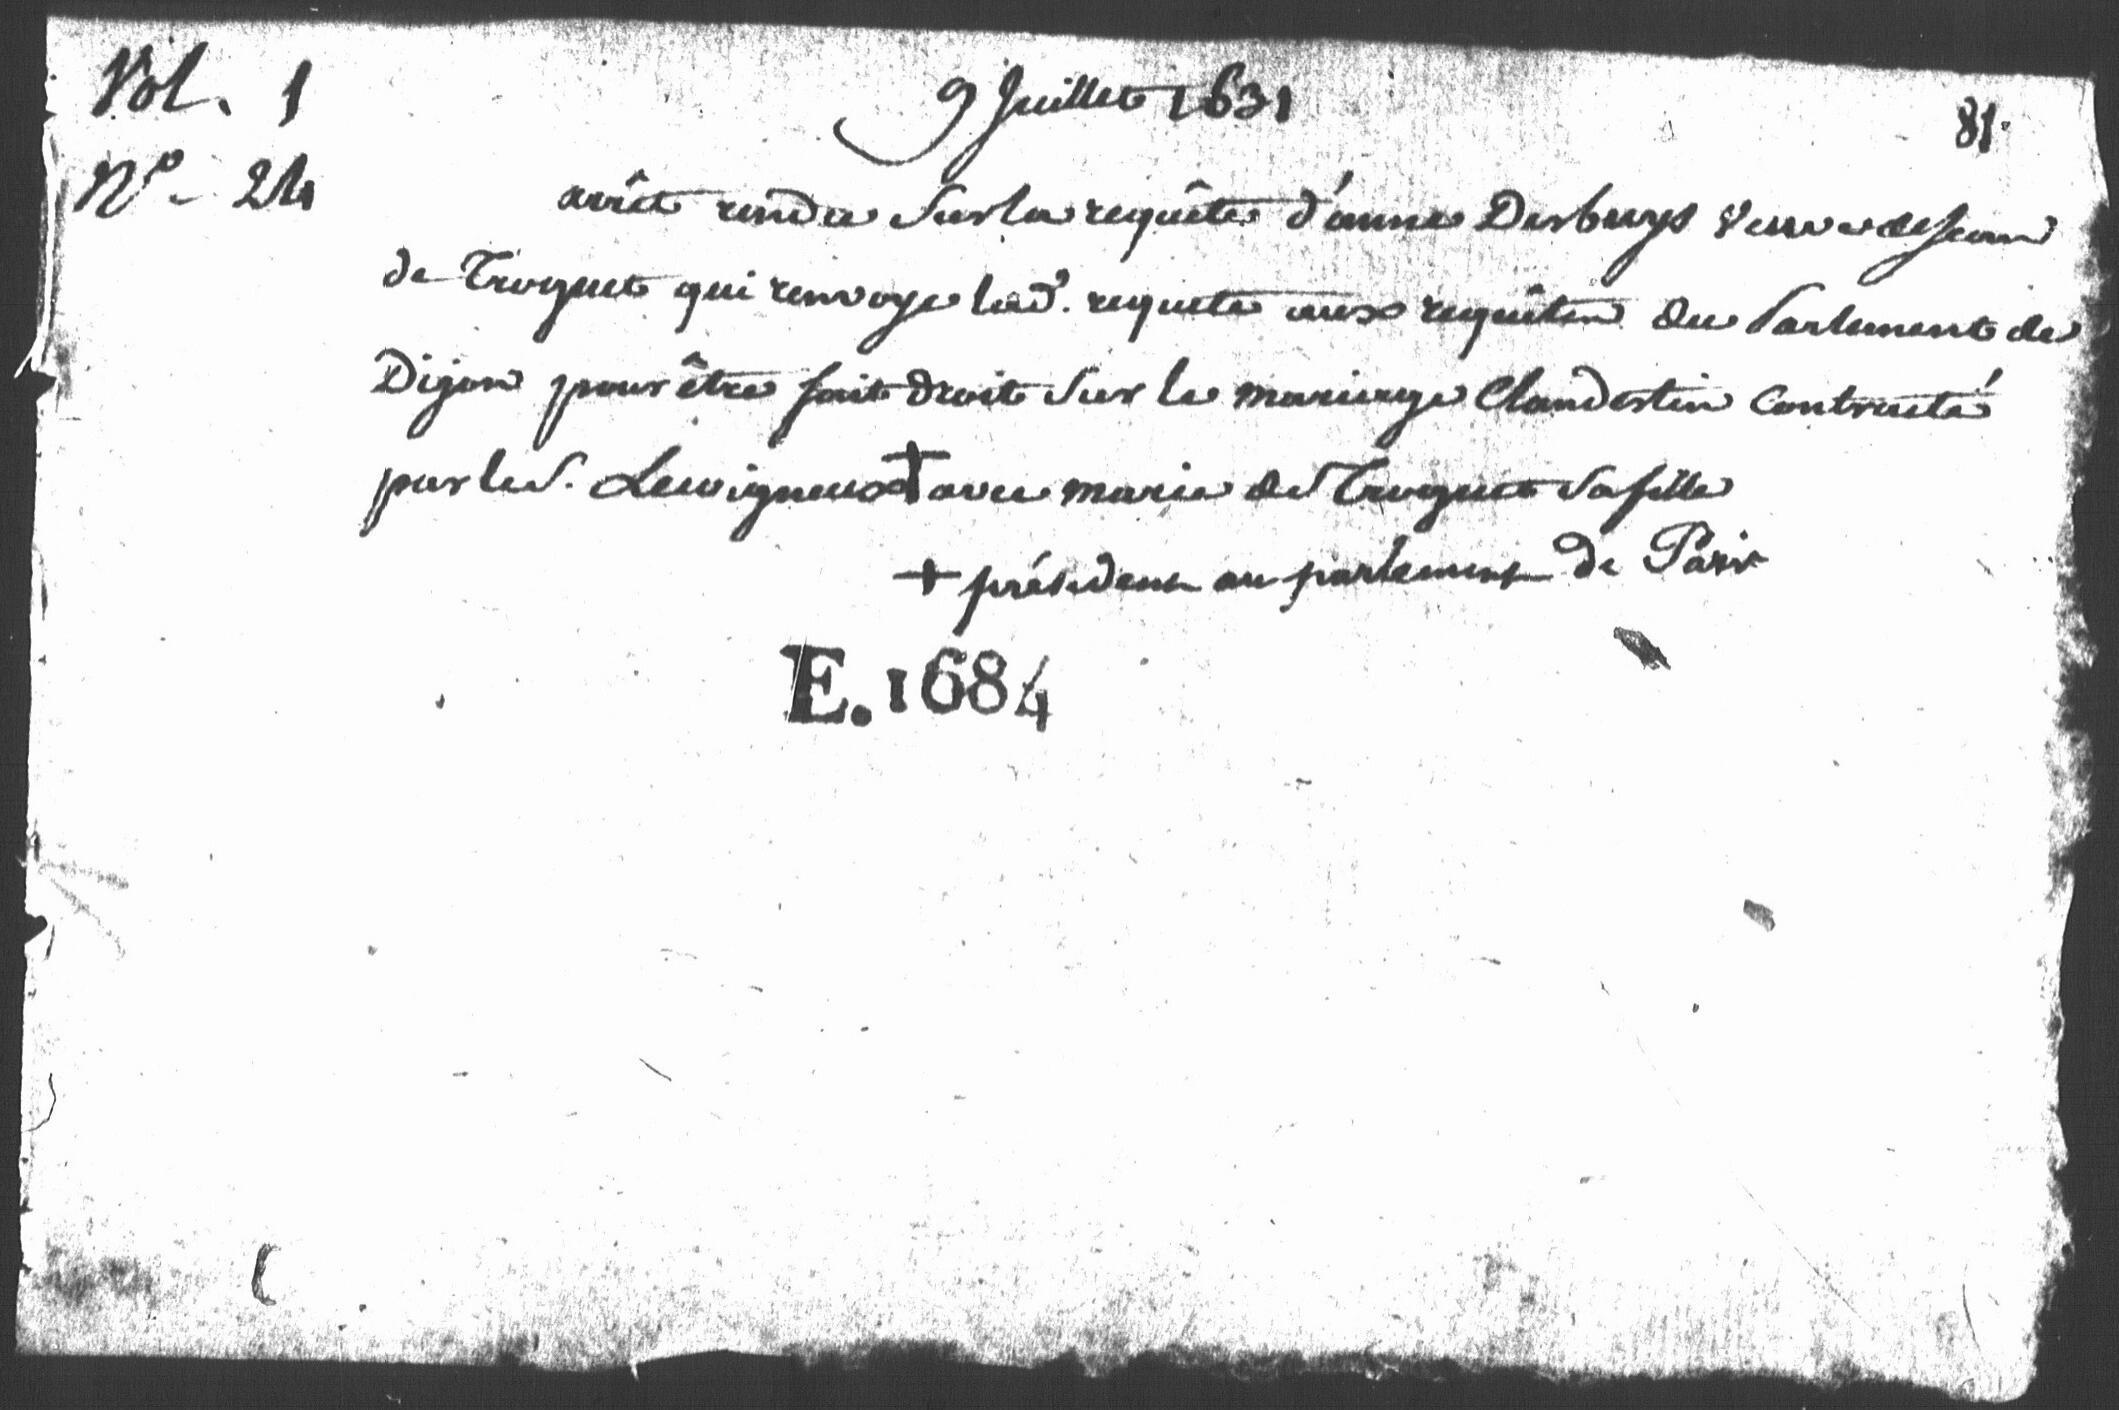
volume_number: n°24
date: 9 juillet 1631
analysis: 81
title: arrêt rendu sur la requête d'anne Desbuys veuve de Jean de Troguet qui renvoye lad. requête aux requêtes du Parlement de Dijon pour être fait droit sur le mariage clandestin contracté par le S. Lesvigneux président au parlement de Paris avec Marie de Troguet sa fille
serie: E
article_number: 1684
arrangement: vol. 1
